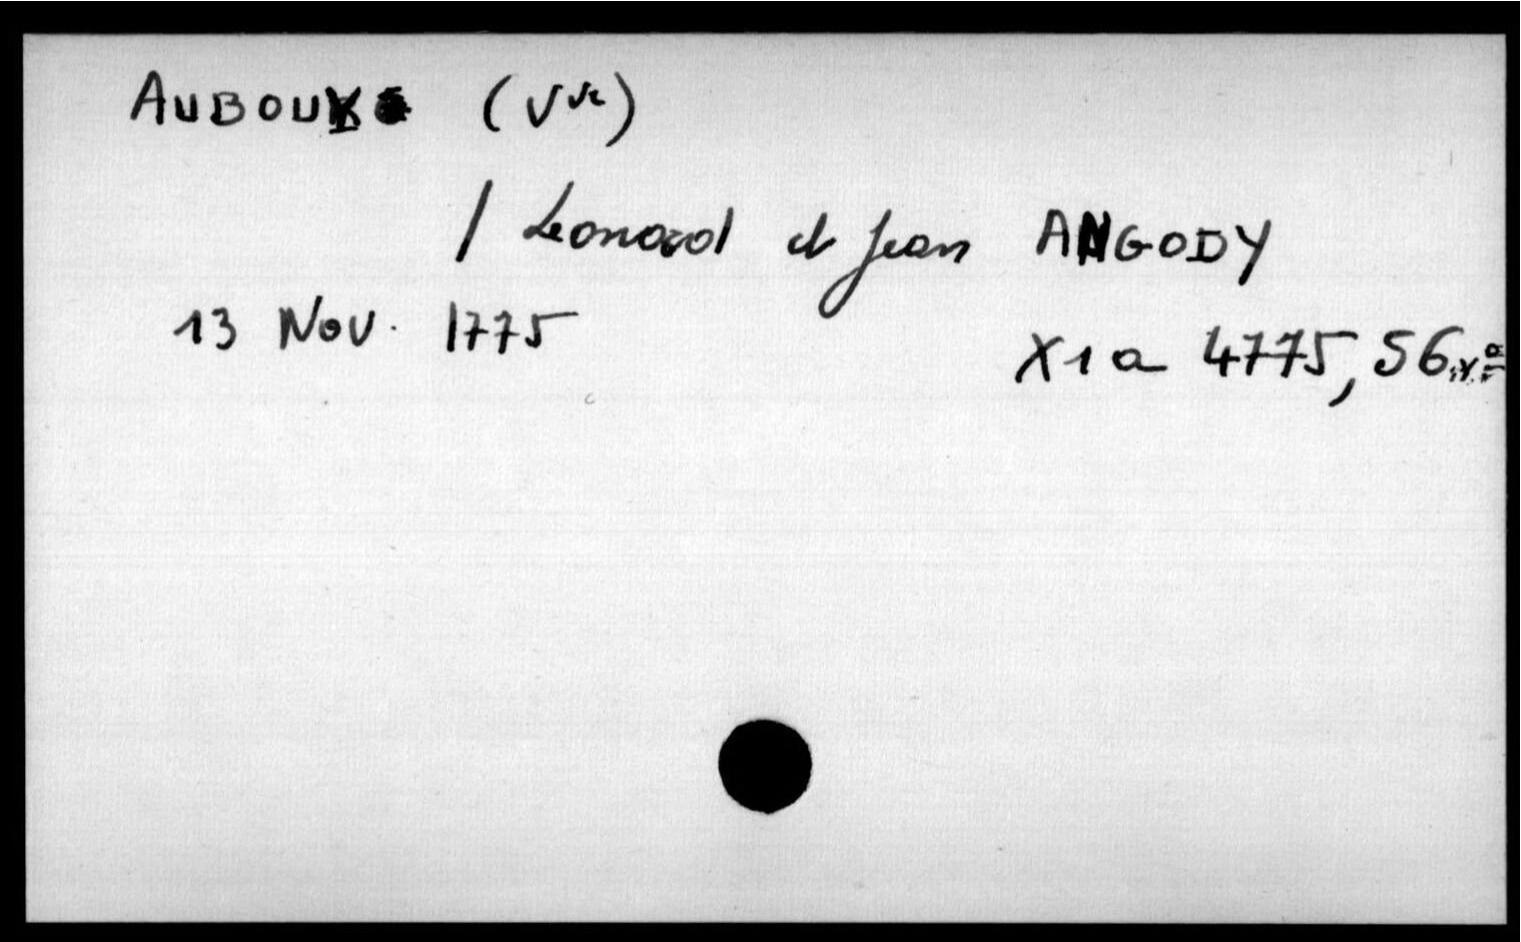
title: AUBOUY (Veuve)
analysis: Contre Leonard etJean ANGODY
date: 13 novembre 1775
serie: X1a
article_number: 4775
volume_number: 56v
